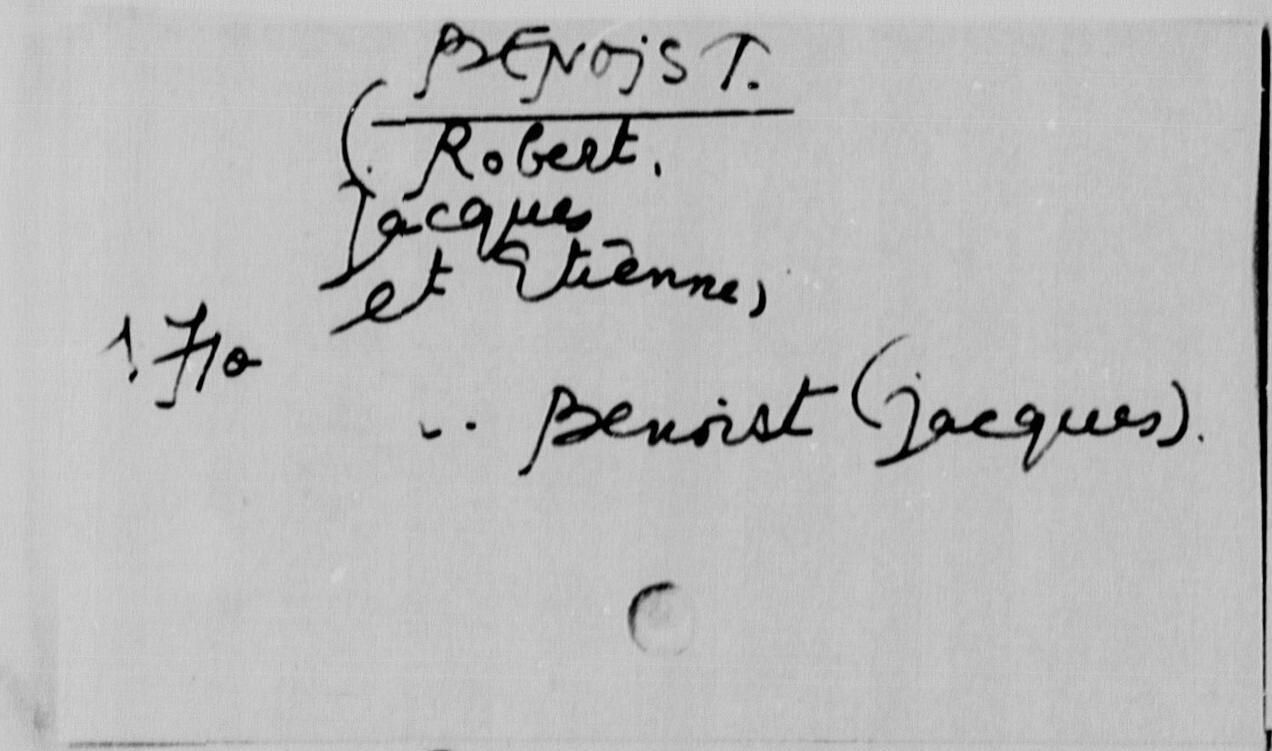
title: BENOIST (Robert Jacques et Étienne)
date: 1710
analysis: Voir : BENOIST (Jacques)
